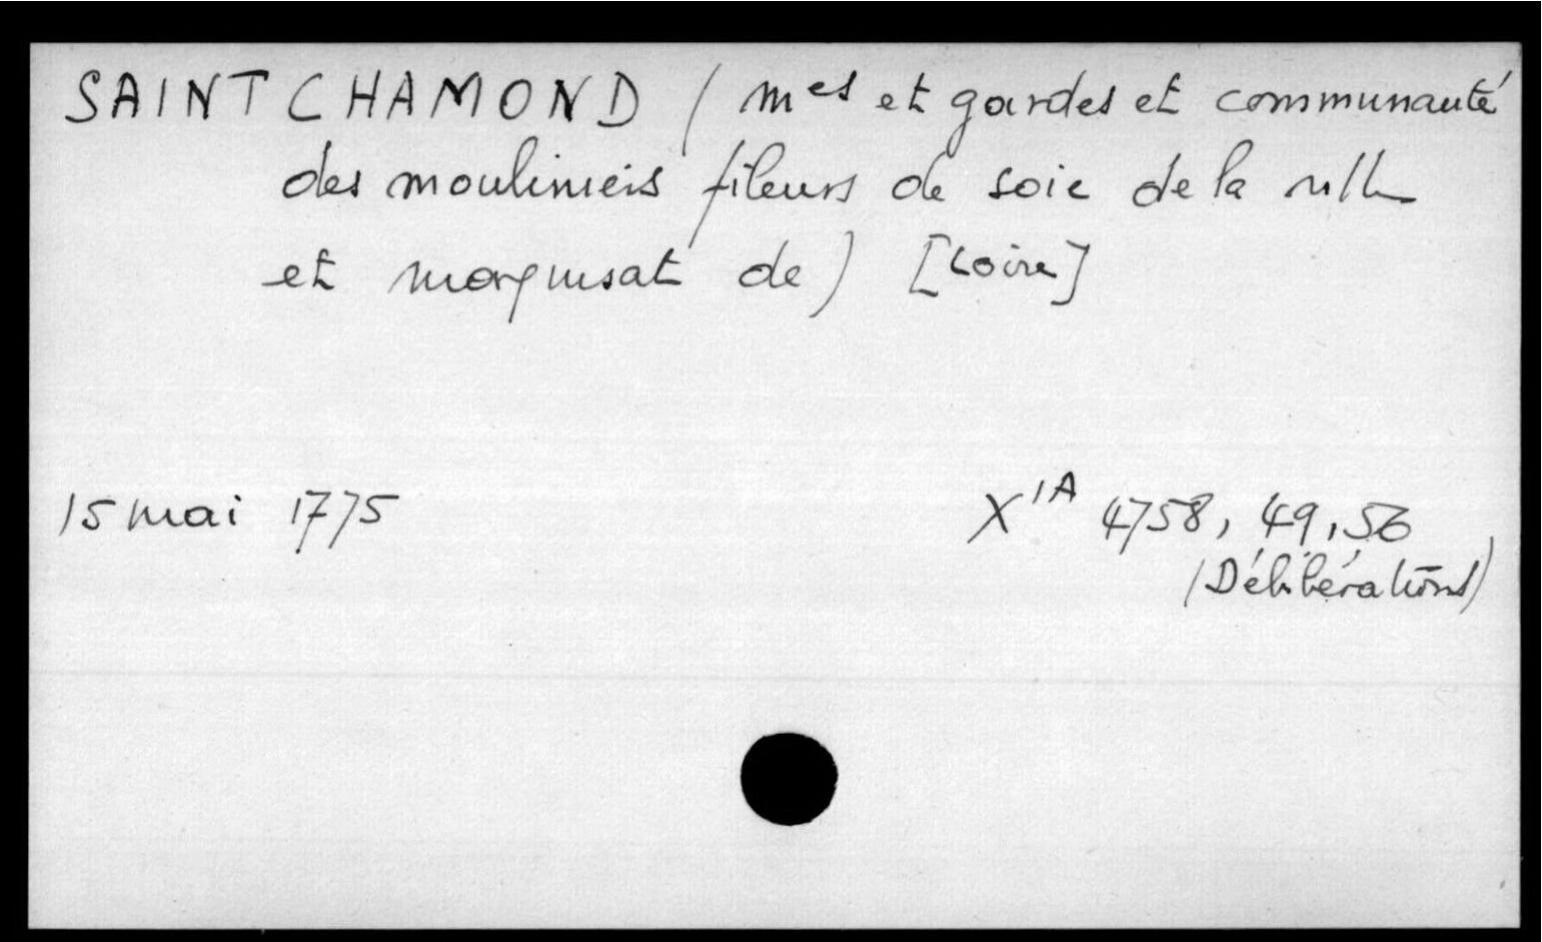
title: SAINT-CHAMOND (maîtres et gardes et communauté des mouliniers fileurs de Soie de la ville et marquisat de) [Loire]
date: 15 mai 1775
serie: X1A
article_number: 4758
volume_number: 49, 56 (délibérations)
